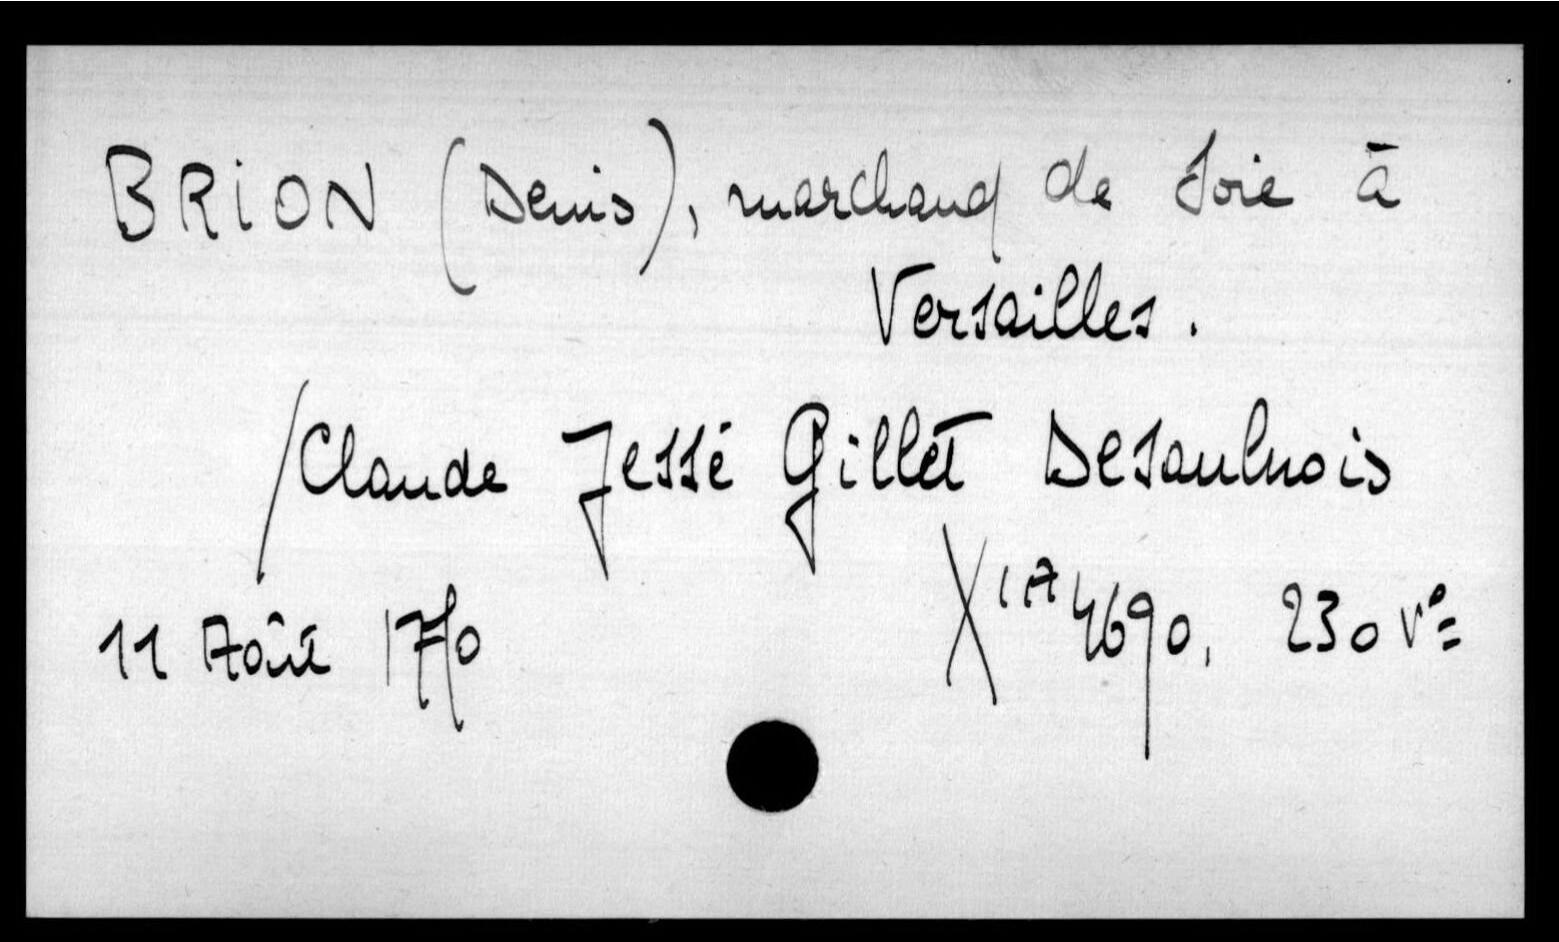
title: BRION (Denis), marchand de soie à Versailles
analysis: Contre Claude Jessé Gillet Desaulnois
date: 11 août 1770
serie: X1A
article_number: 4690
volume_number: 230v
